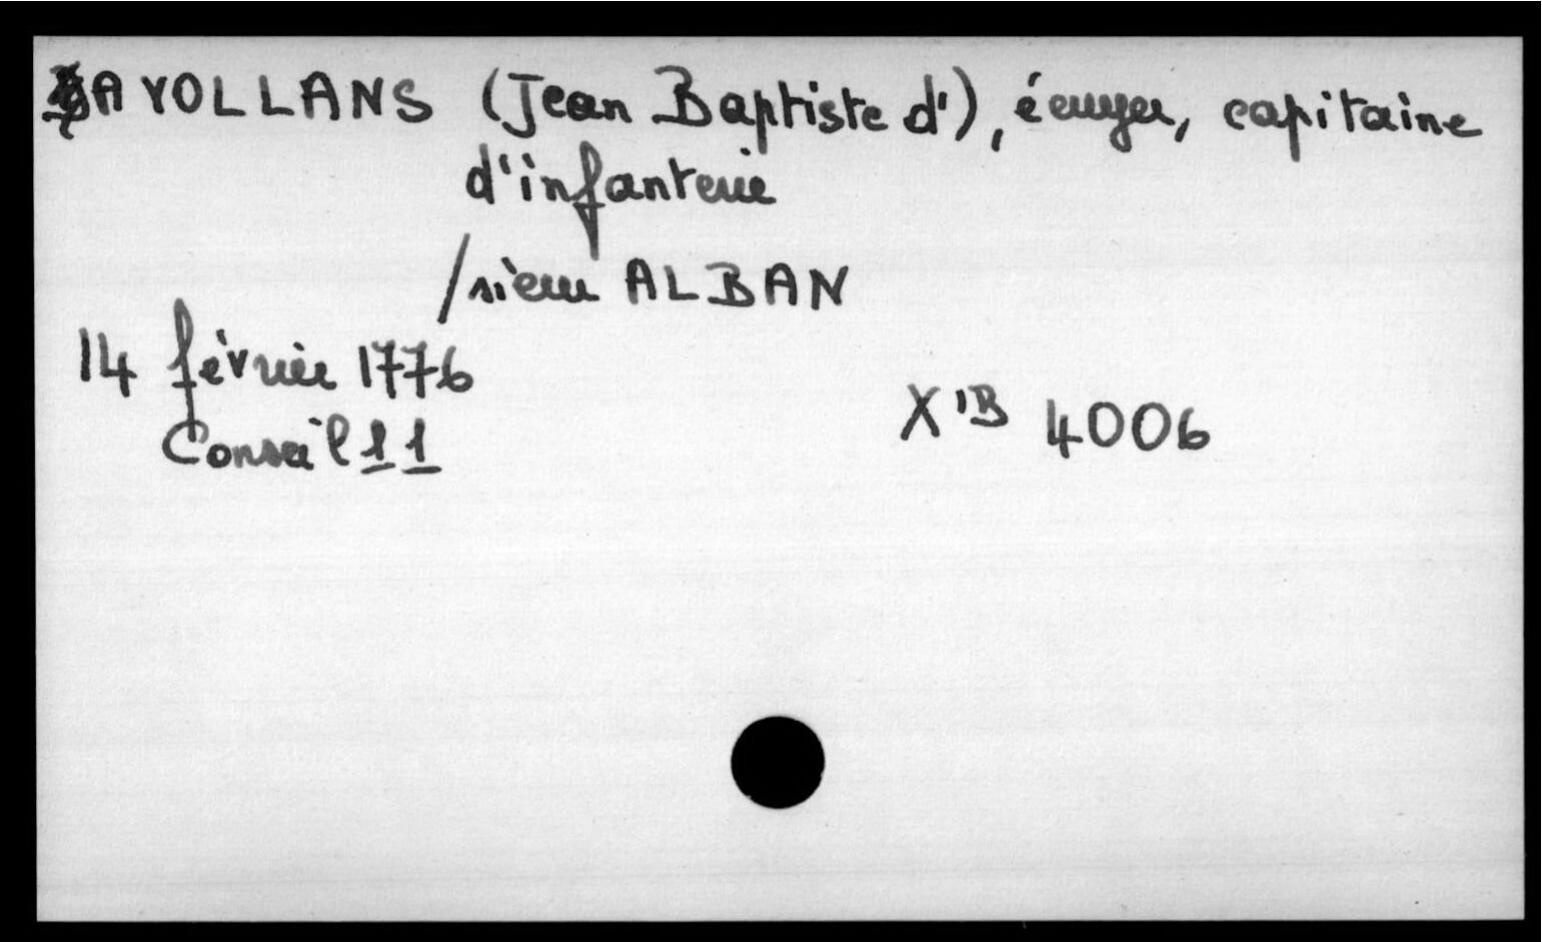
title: AVOLLANS (Jean Baptiste d'), écuyer, capitaine d'infanterie
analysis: Contre sieur ALBAN
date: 14 février 1776
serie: X1A
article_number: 4006
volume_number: Conseil 11
